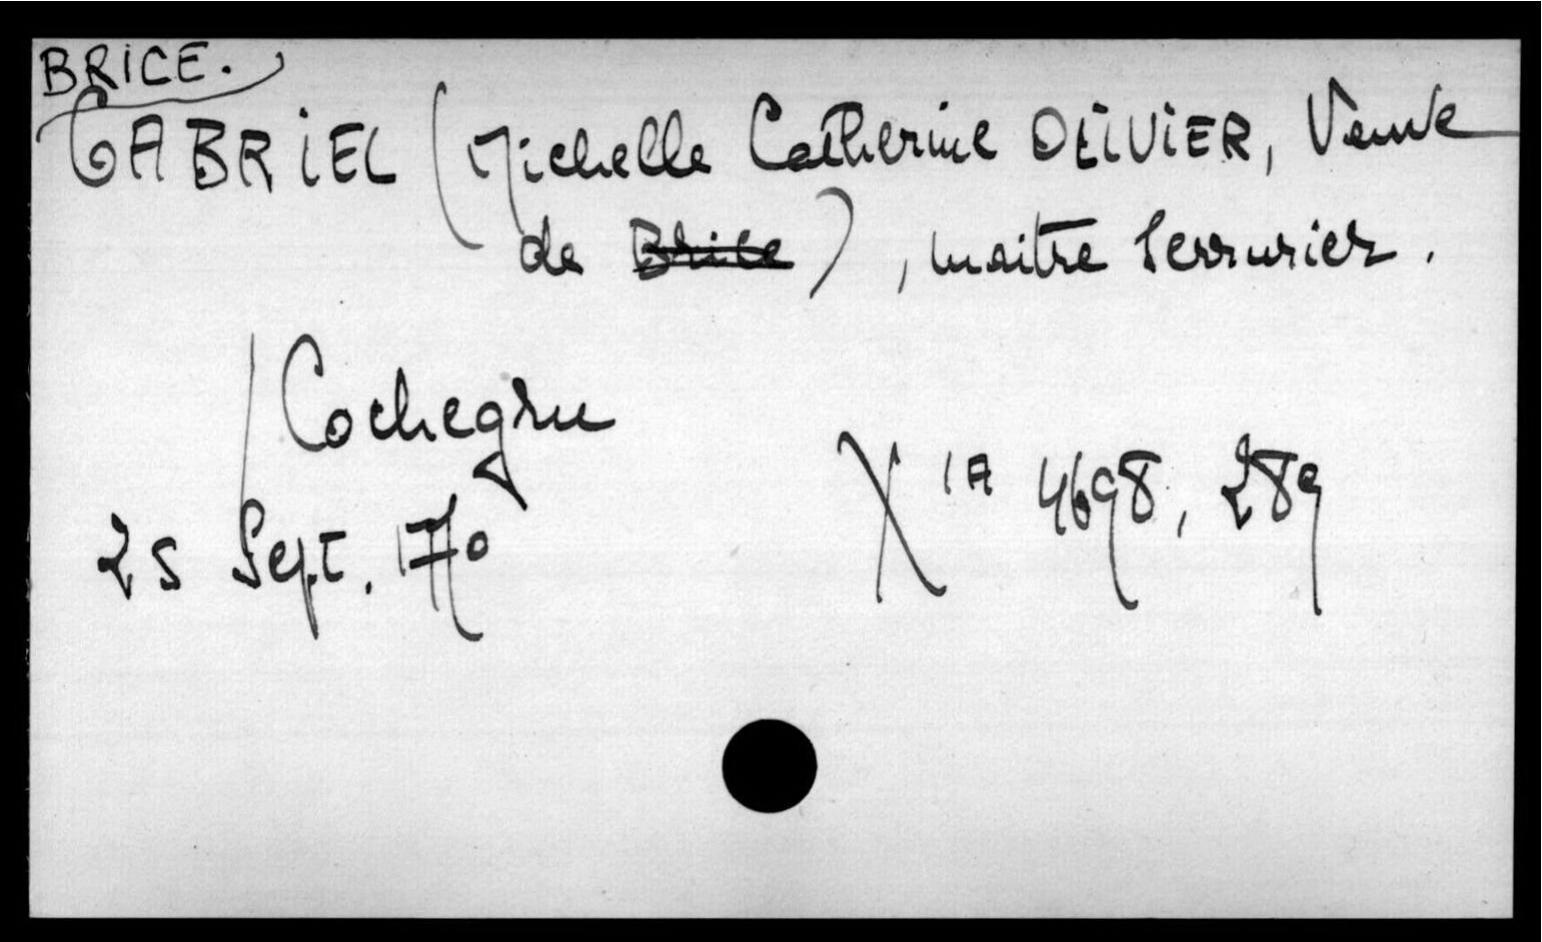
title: BRICE-GABRIEL (Michelle Catherine OLIVIER, Veuve), maître serrurier
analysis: Contre Cochegru
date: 25 septembre 1770
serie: X1A
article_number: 4698
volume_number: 289
